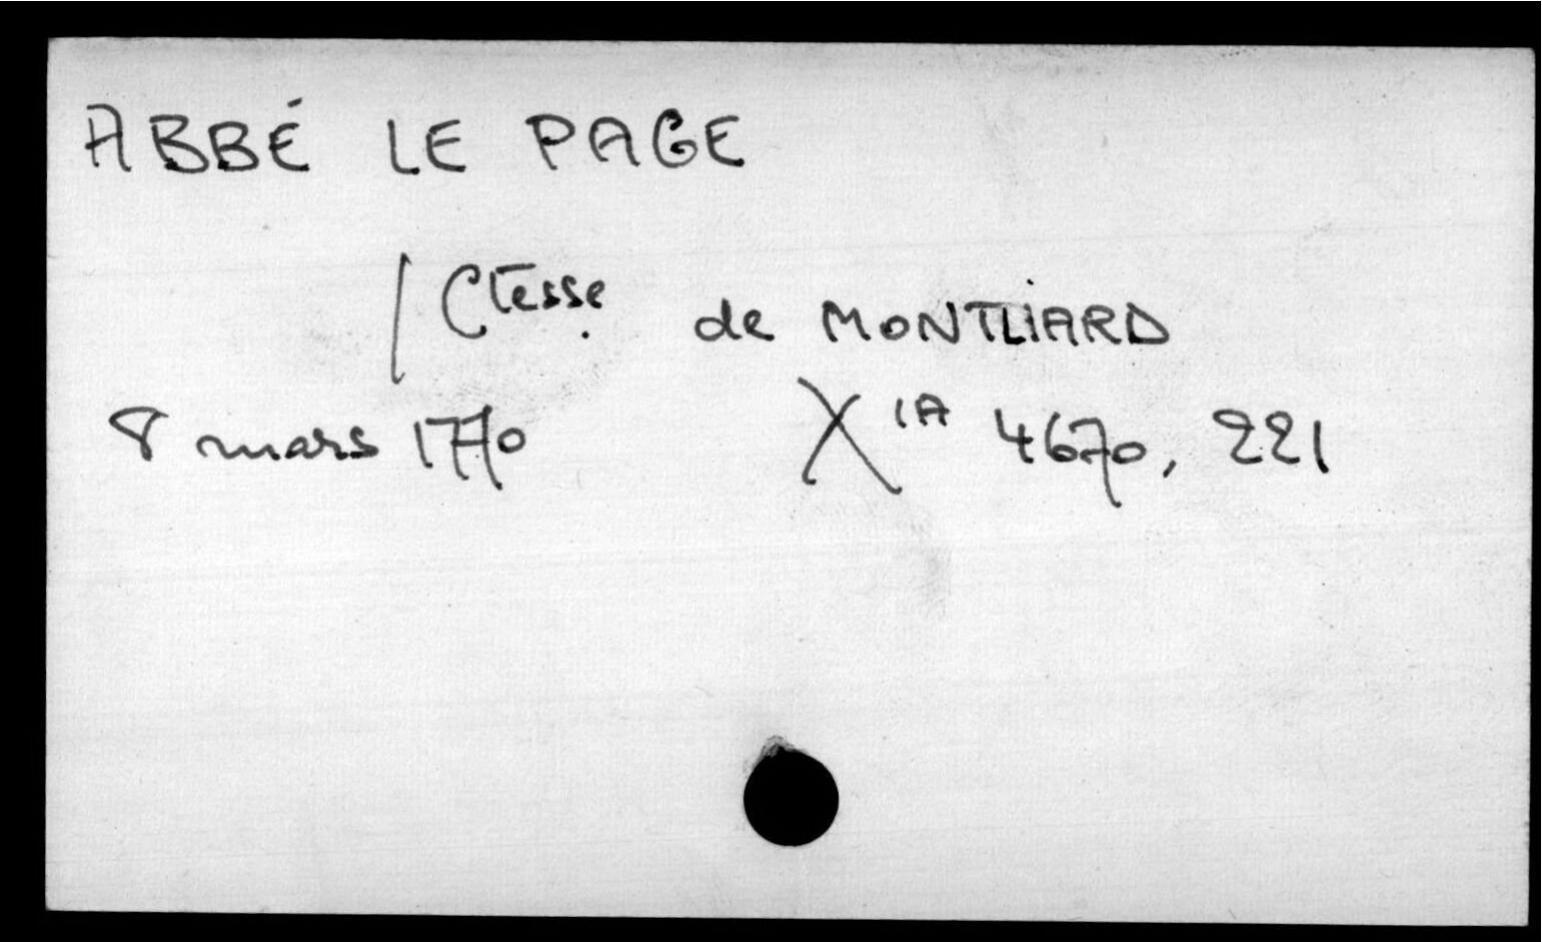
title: ABBÉ LE PAGE
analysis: Contre Comtesse de MONTLIARD
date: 8 mars 1770
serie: X1A
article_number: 4670
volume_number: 221
